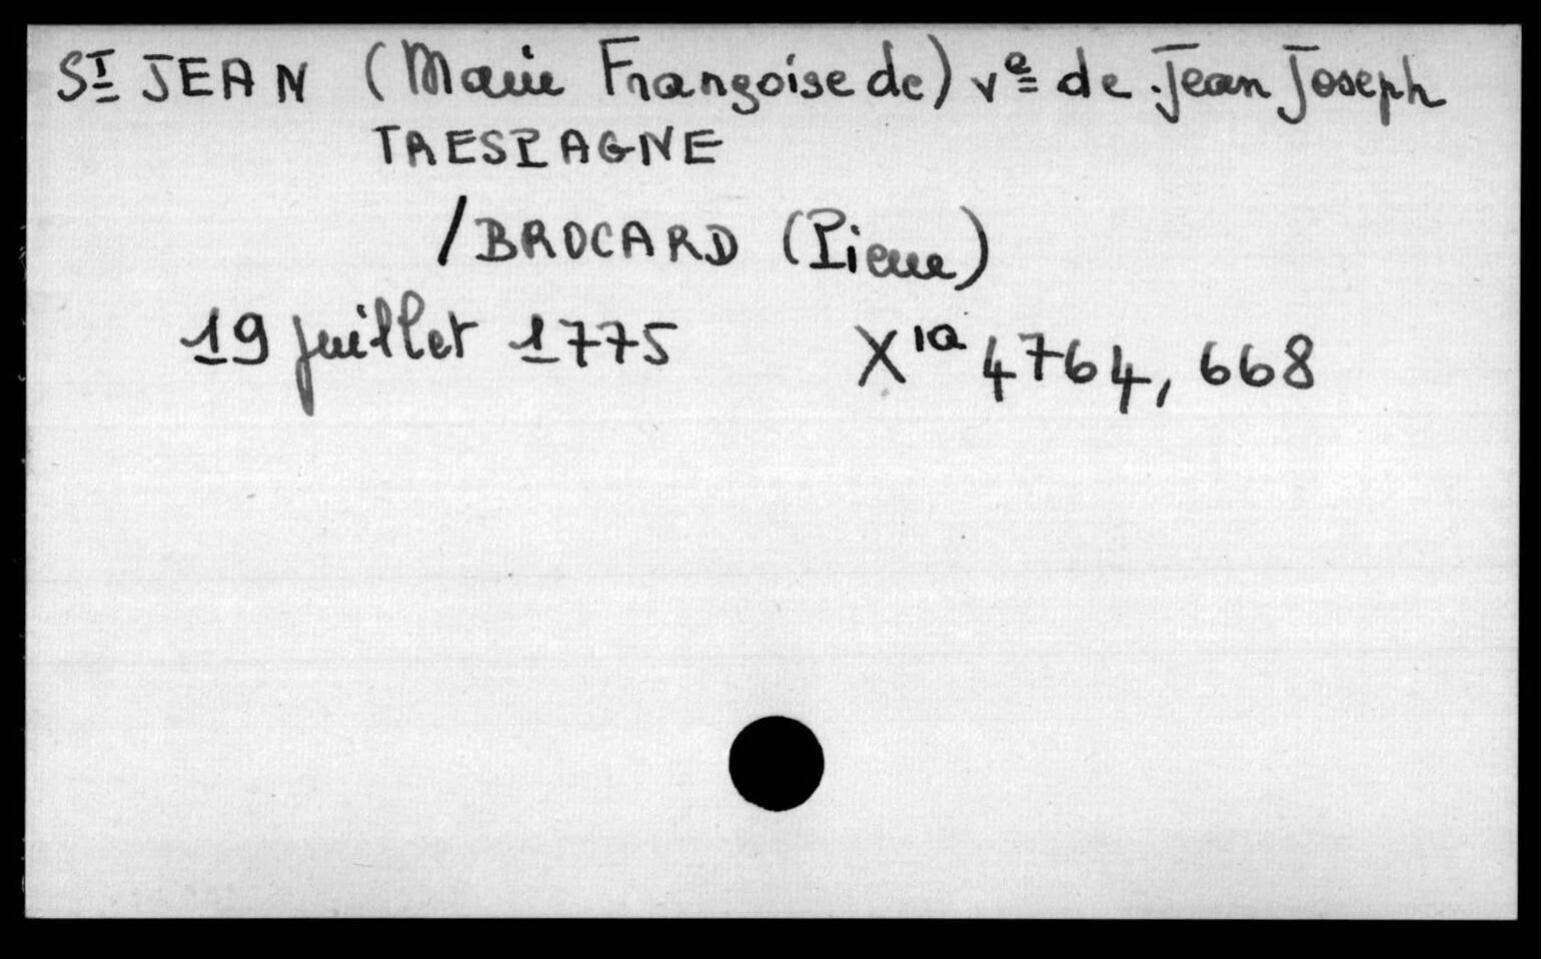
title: SAINT-JEAN (Marie Françoise de) veuve de Jean Joseph TRESPAGNE
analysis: Contre BROCARD (Pierre)
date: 19 juillet 1775
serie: X1a
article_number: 4764
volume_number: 668
